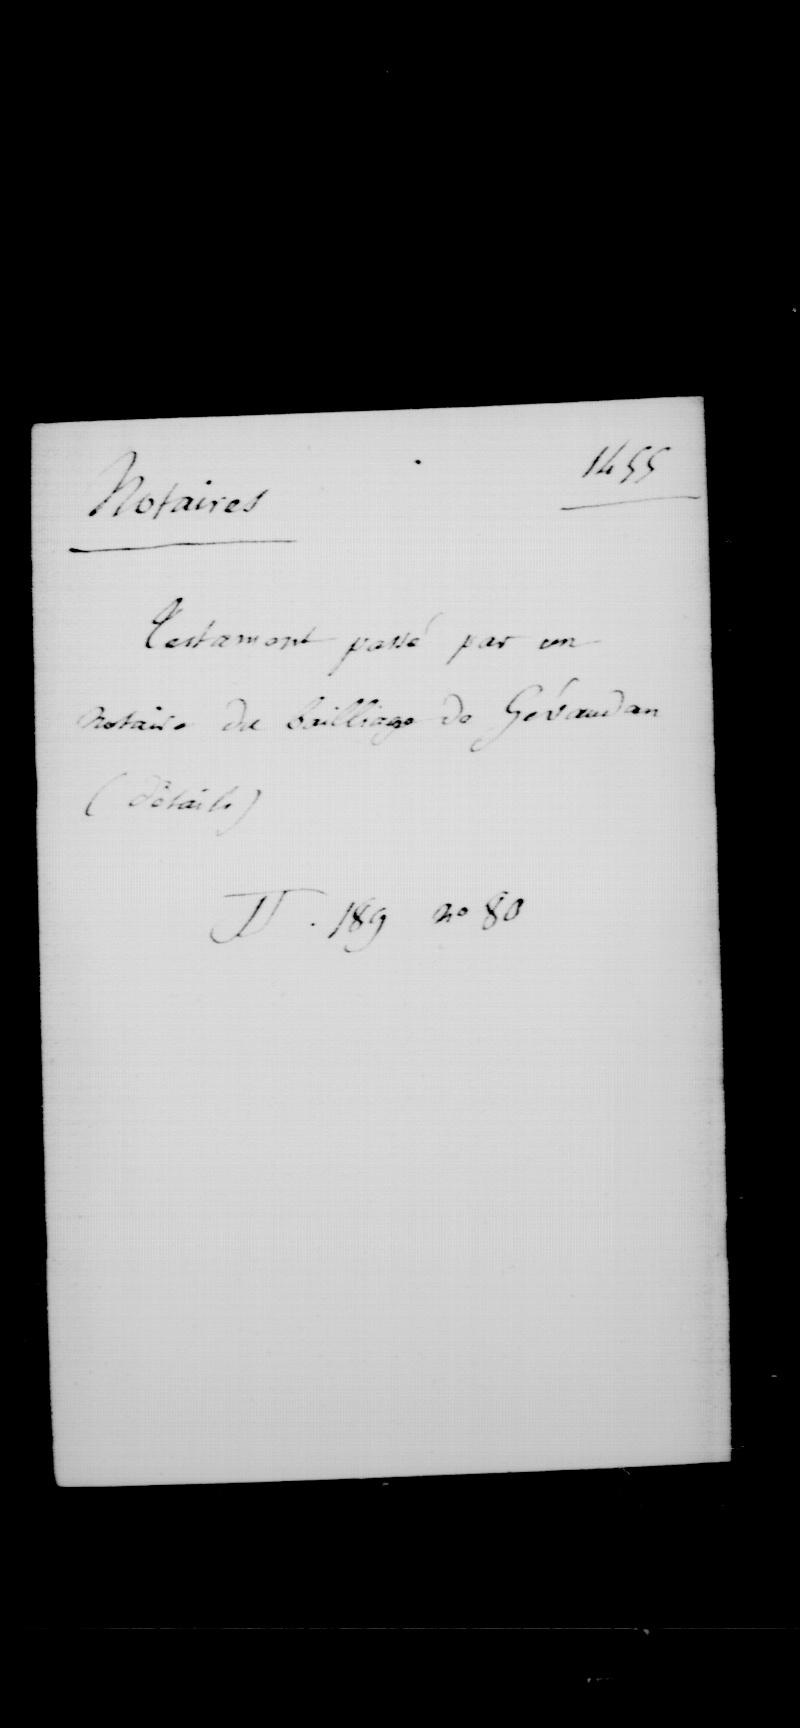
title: Notaires
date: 1455
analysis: Testament passé par un notaire du bailliage de Gévaudan (détails)
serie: JJ
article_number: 189
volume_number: n° 80
